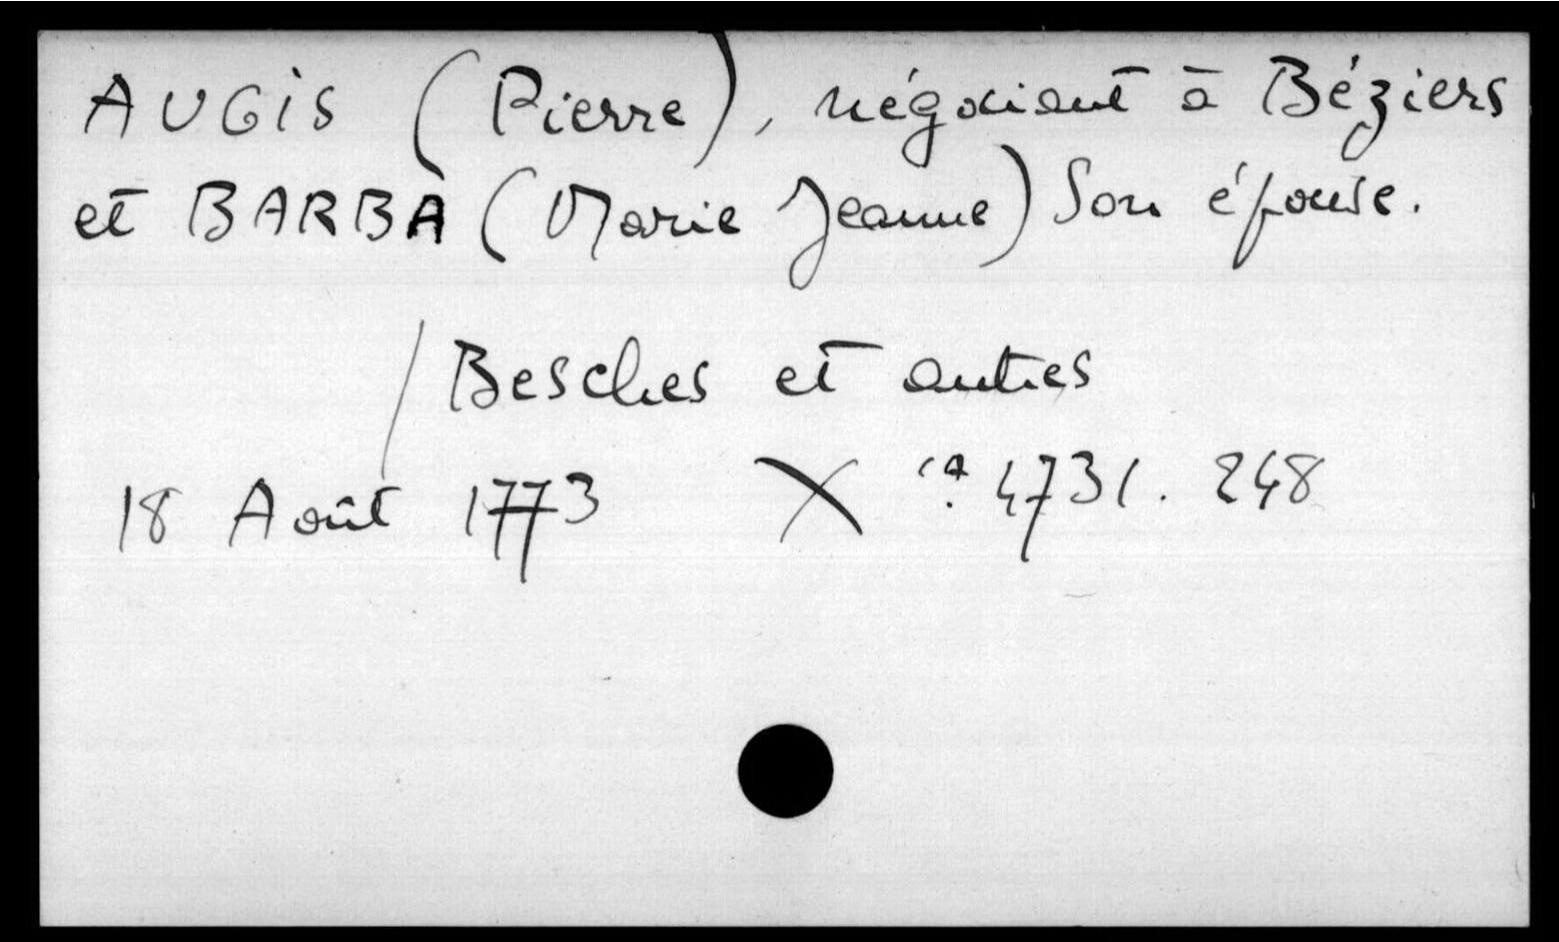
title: AUGIS (Pierre), négociant à Béziers et BARBA (Marie Jeanne) Son épouse
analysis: Contre Besches et autres
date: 18 août 1773
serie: X1a
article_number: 4731
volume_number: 248
